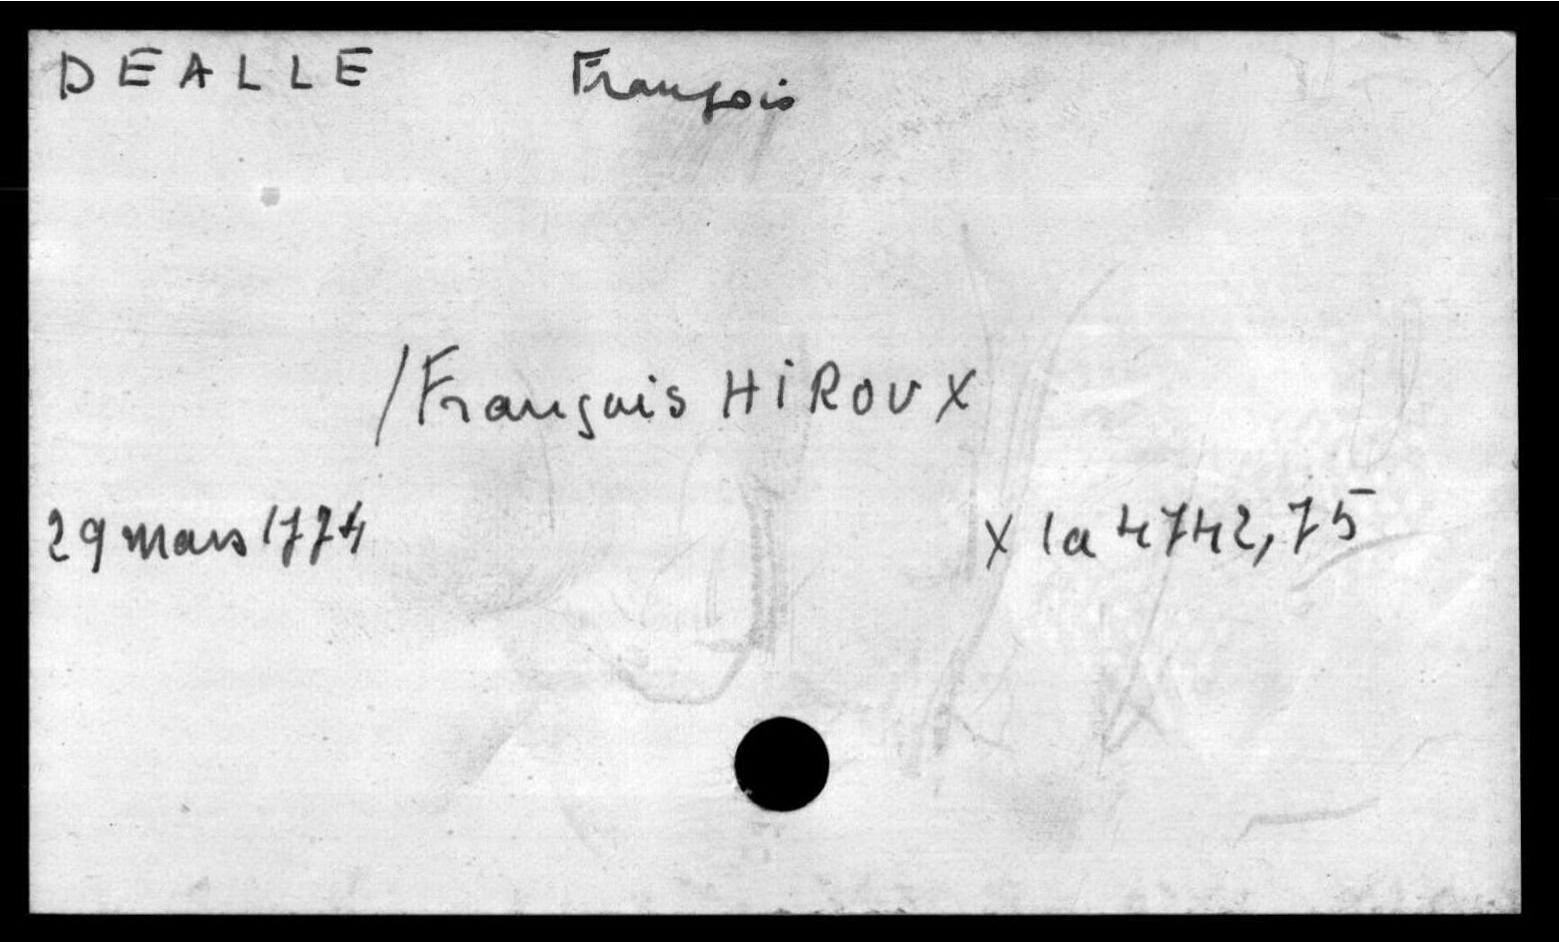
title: DEALLE François
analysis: Contre François HIROUX
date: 29 mars 1774
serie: X1a
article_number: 4742
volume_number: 75
